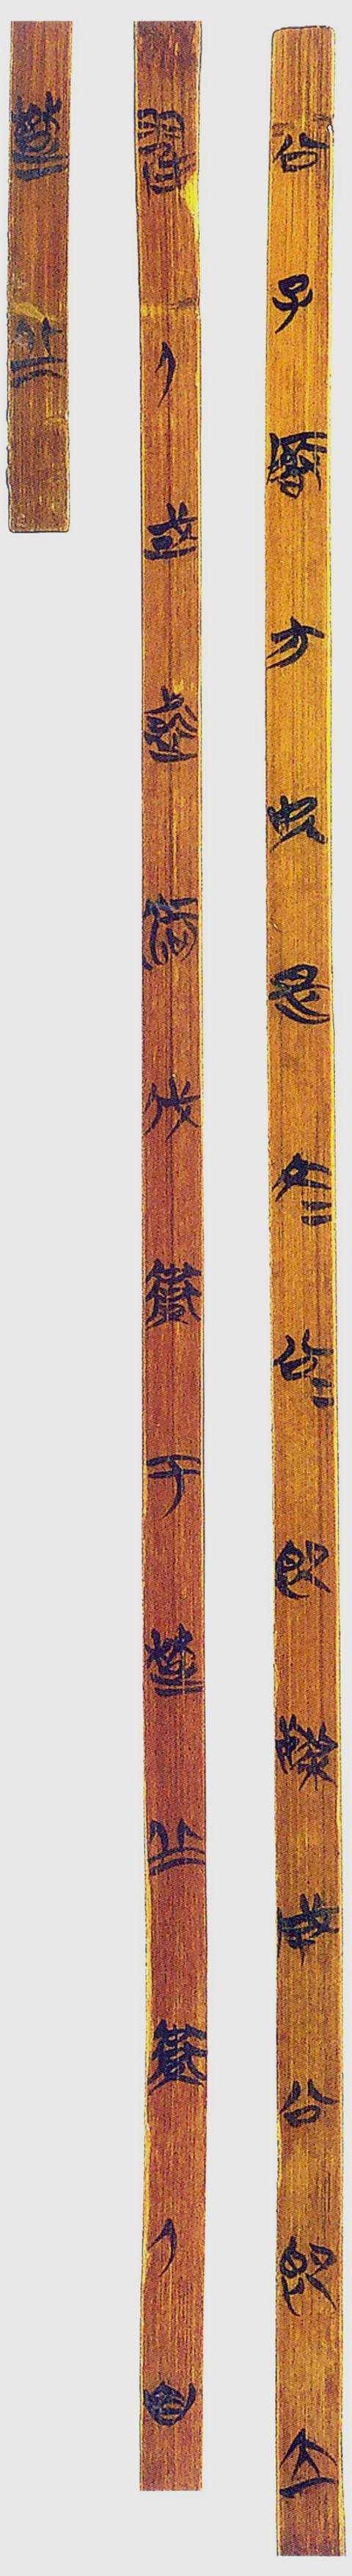公子啟方𡚦是文=公=即殜成公即立翟人或涉河伐衛于楚丘衛人自楚丘
